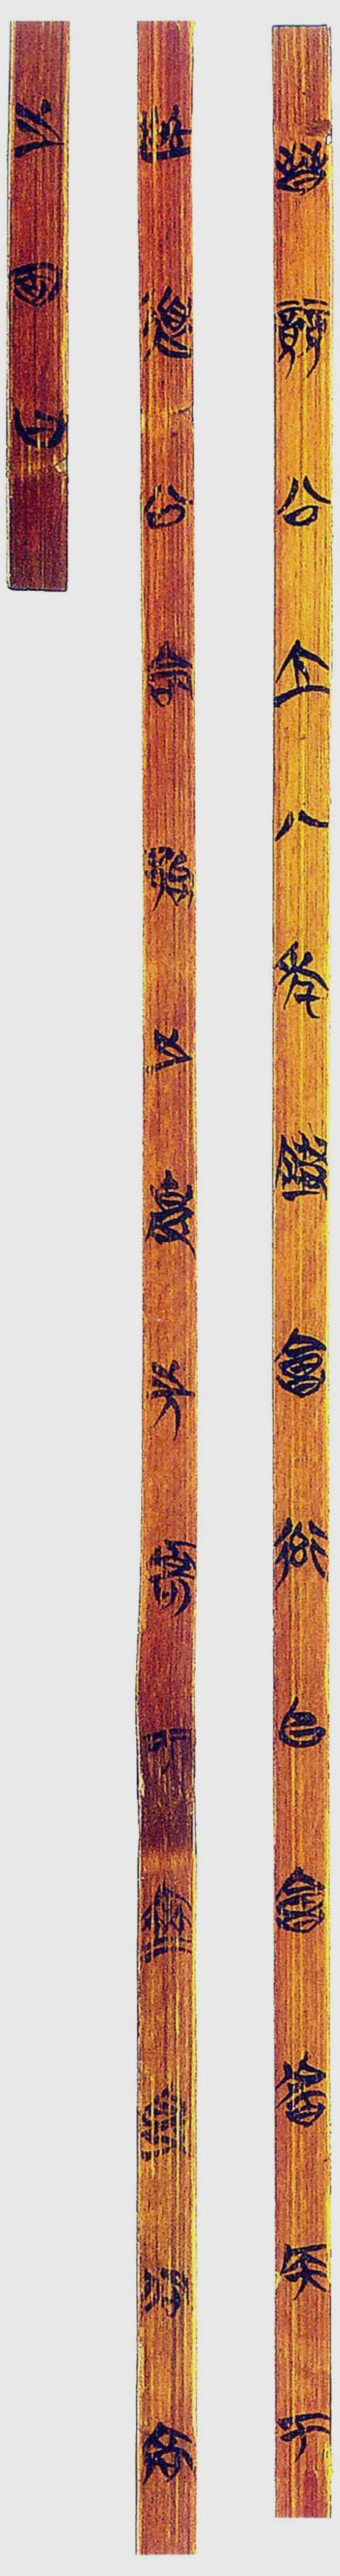晉競公立八年{阜圭㕛}會率𠂤會者侯于{𠃊𢆶一}道公命邭之尅先{口甹}于齊{且又}卲高之固曰
